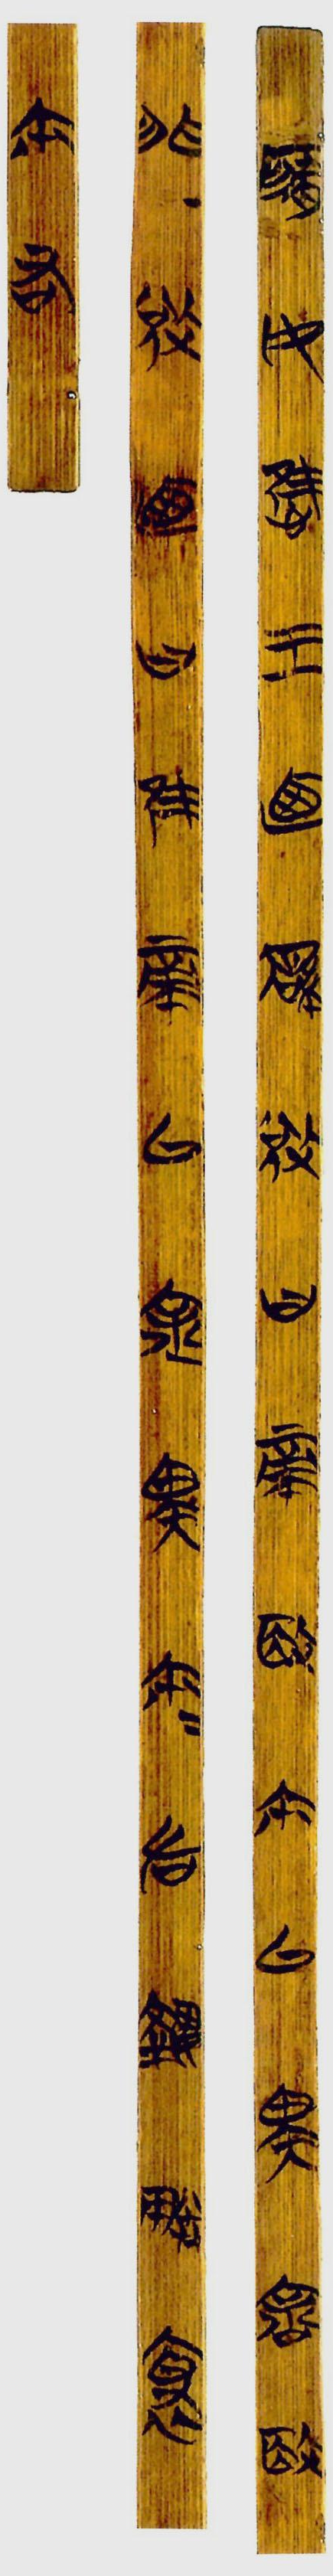肩女惟王廼{人言糸}敓（說）曰帝殹尔㠯（以）畀{余口}（余）殹非敓（說）廼曰隹帝㠯（以）余畀尔=左執朕袂尔右
